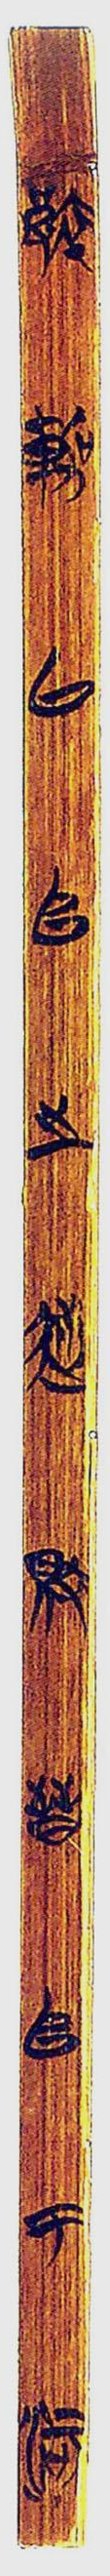被{加車}㠯（以）𠂤之述敗晉𠂤于河
